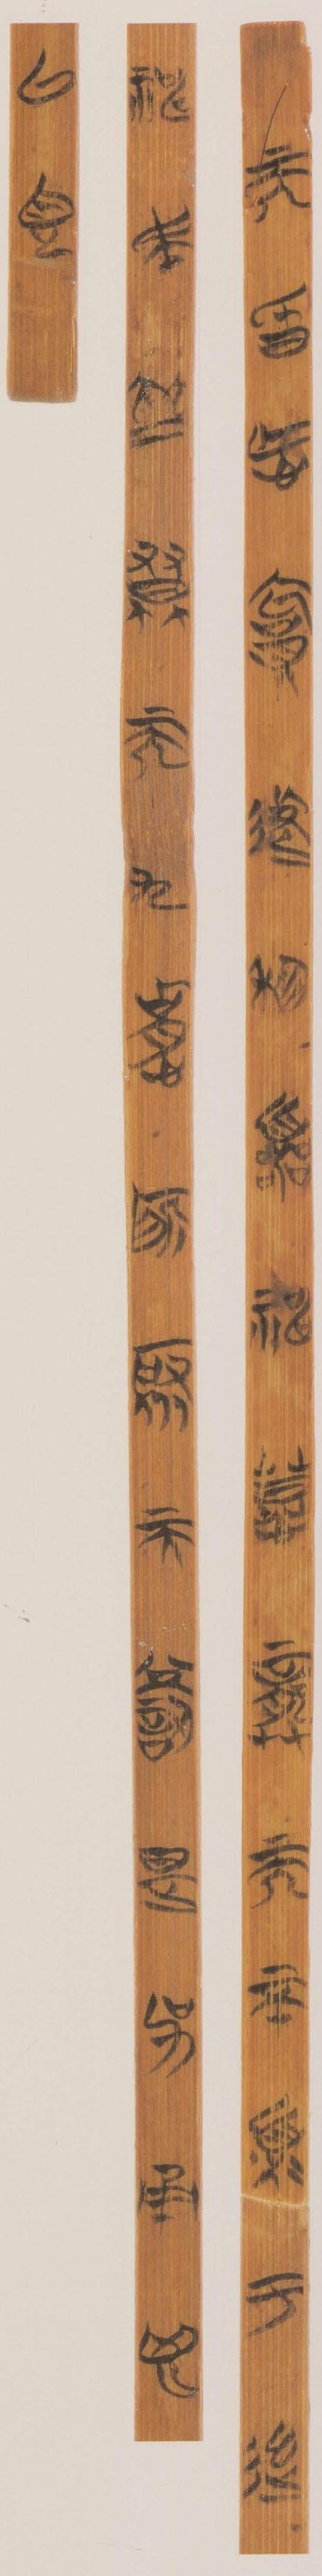而昏忘{宀句貝}﨤利囂神慕龏而不寡于後神民并{友日䖵}而九悁所聚天罰是加甬兇㠯（以）見
